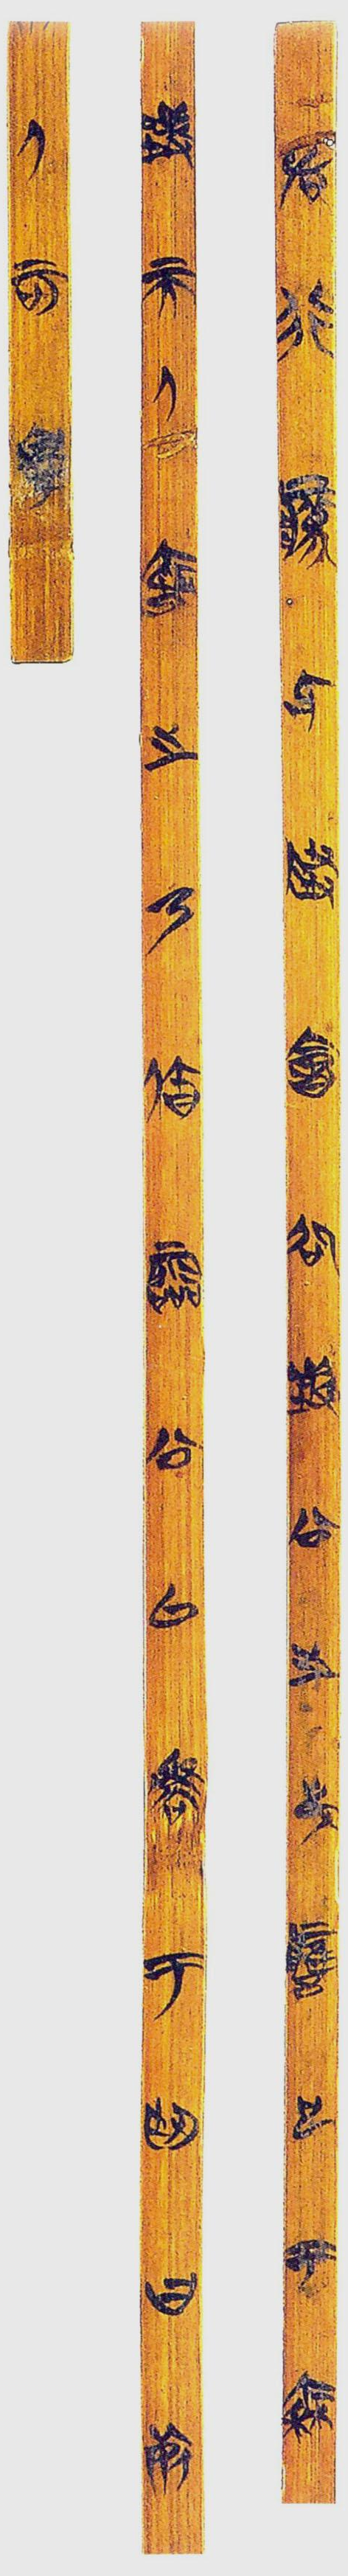左行{疒蔑}与{阜圭㕛}會卲襄公之弟{疒雍}也于秦襄而〈夫〉人{宀昏耳}之乃{人缶}霝公㠯（以）唬于廷曰死人可辠
